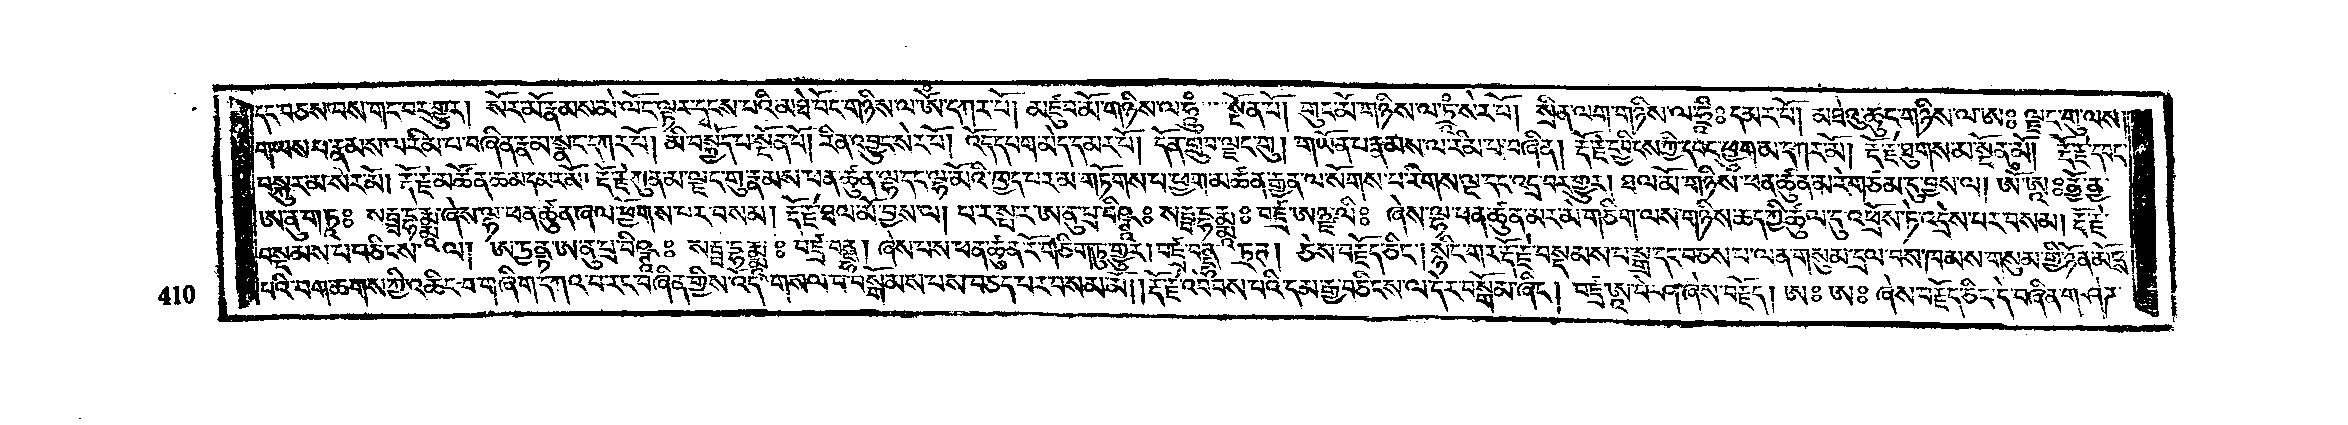དང་བཅས་པས་གང་བར་གྱུར། སོར་མེ་རྣམས་མེ་ལོང་ལྟར་དྭངས་པའི་མཐེ་བོང་གཉིས་ལ་ཨོཾ་དཀར་པོ། མཛུབ་མོ་གཉིས་ལ་ཧཱུཾ་སྔོན་པོ། གུང་མོ་གཉིས་ལ་ཏྲཱཾ་སེར་པོ། སྲིན་ལག་གཉིས་ལ་ཧྲཱིཿ དམར་པོ། མཐེའུ་ཆུང་གཉིས་ལ་ཨཿ ལྗང་གུ་ལས།
གཡས་པ་རྣམས་ལ་རིམ་པ་བཞིན་རྣམ་སྣང་དཀར་པོ། མི་བསྐྱོད་པ་སྔོན་པོ། རིན་འབྱུང་སེར་པོ། འོད་དཔག་མེད་དམར་པོ། དོན་གྲུབ་ལྗང་གུ །གཡོན་པ་རྣམས་ལ་རིམ་པ་བཞིན། རྡོ་རྗེ་དབྱིངས་ཀྱི་དབང་ཕྱུག་མ་དཀར་མོ། རྡོ་རྗེ་ཐུགས་མ་སྔོན་མོ། རྡོ་རྗེ་དབང་
བསྐུར་མ་སེར་མོ། རྡོ་རྗེ་མཚོན་དམར་མོ། རྡོ་རྗེ་ཀུན་མ་ལྗང་གུ་རྣམས་ཕན་ཚུན་ལྷ་དང་ལྷ་མོའི་ཁྱད་པར་མ་གཏོགས་པ་ཕྱག་མཚན་རྒྱན་ལ་སོགས་པ་རིགས་ལྔ་དང་འདྲ་བར་གྱུར། ཐལ་མོ་གཉིས་ཕན་ཚུན་མ་རེག་ཙམ་དུ་བྱས་ལ། ཨོཾ་ཨཱཿ ཉོ་ཉ་
ཨ་ནུ་ག་ཏཱཿ སརྦྦ་དྷརྨྨཱ་ཞེས་ལྷ་ཕན་ཚུན་ཞལ་ཕྱོགས་པར་བསམ། རྡོ་རྗེ་ཐལ་མོ་བྱས་ལ། པ་ར་སྤ་ར་ཨ་ནུ་པྲ་བིཥྚཱཿ སརྦྦ་དྷརྨྨཱཿ བཛྲ་ཨཉྫ་ལིཿ ཞེས་ལྷ་ཕན་ཚུན་མར་མེ་གཅིག་ལས་གཉིས་ཆད་ཀྱི་ཚུལ་དུ་འཕྲོས་ཏེ་འདྲེས་པར་བསམ། རྡོ་རྗེ་
བསྡམས་པ་བཅིངས་ལ། ཨ་ཏཡ་ནྟ་ཨ་ནུ་བིཥྚཱཿ སརྦྦ་དྷརྨྨཱཿ བཛྲ་བནྡྷ། ཞེས་པས་ཕན་ཚུན་རོ་གཅིག་ཏུ་གྱུར། བཛྲ་བནྡྷ་ཏྲཊ། ཅེས་བརྗོད་ཅིང་། སྙིང་གར་རྡོ་རྗེ་བསྡམས་པ་སྒྲ་དང་བཅས་པ་ལན་གསུམ་དྲལ་བས་ཁམས་གསུམ་གྱི་ཉོན་མོངས་
པའི་བག་ཆགས་ཀྱི་འཆིང་བ་གཞིག་དཀའ་བ་རང་བཞིན་གྱིས་འོད་གསལ་བ་བསྒོམས་པས་བཅད་པར་བསམ་མོ། །རྡོ་རྗེ་འབེབས་པའི་དམ་རྒྱ་བཅིངས་ལ་དེར་བསྒོམ་ཞིང་། བཛྲ་ཨཱ་བེ་ཤ་ཞེས་བརྗོད། ཨཿ ཨཿ ཞེས་བརྗོད་ཅིང་དེ་བཞིན་གཤེགས་